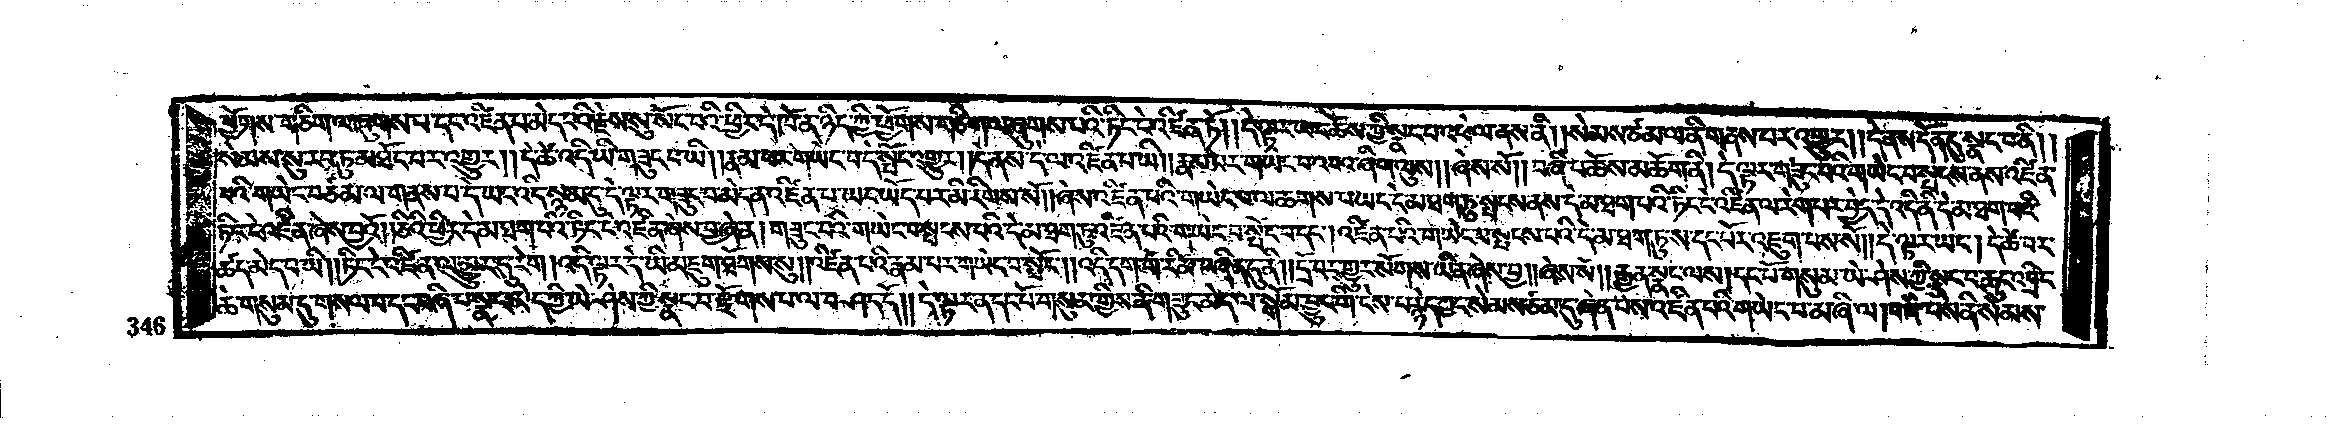ཕྱོགས་གཅིག་ལ་ཞུགས་པ་དང་འཛིན་པ་མེད་པའི་རྗེས་སུ་སོང་བའི་ཕྱིར་དེ་ཁོ་ན་ཉིད་ཀྱི་ཕྱོགས་གཅིག་ལ་ཞུགས་པའི་ཏིང་ངེ་འཛིན་ཏོ། །དེ་ལྟར་ཡང་ཆོས་ཀྱི་སྣང་བ་འཕེལ་ནས་ནི། །སེམས་ཙམ་ལ་ནི་གནས་པར་འགྱུར། །དེ་ནས་དོན་དུ་སྣང་བ་ནི། །
སེམས་སུ་རབ་ཏུ་མཐོང་བར་འགྱུར། །དེ་ཚེ་འདི་ཡི་གཟུང་བ་ཡི། །རྣམ་པར་གཡེང་བ་དེ་སྤོང་འགྱུར། །དེ་ནས་དེ་ལ་འཛིན་པ་ཡི། །རྣམ་པར་གཡེང་བ་འབའ་ཞིག་ལུས། །ཞེས་སོ། །བཞི་པ་ཆོས་མཆོག་ནི། དེ་ལྟར་གཟུང་བའི་གཡེང་བ་སྤངས་ནས་འཛིན་
པའི་གཡེང་བཙམ་ལ་གནས་པ་དེ་ཡང་འདི་སྙམ་དུ་དེ་ལྟར་གཟུང་བ་མེད་ན་འཛིན་པ་ཡང་ཡོད་པར་མི་རིགས་སོ། །ཞེས་འཛིན་པའི་གཡེང་བ་ལ་ཆགས་པ་ཡང་དེ་མ་ཐག་ཏུ་སྤངས་ནས་དེ་མ་ཐག་པའི་ཏིང་ངེ་འཛིན་ལ་རེག་པར་བྱེད་དེ་འདི་ནི་དེ་མ་ཐག་པའི་
ཏིང་ངེ་འཛིན་ཞེས་བྱའོ། །ཅིའི་ཕྱིར་དེ་མ་ཐག་པའི་ཏིང་ངེ་འཛིན་ཞེས་བྱ་ཞེ་ན། གཟུང་བའི་གཡེང་བ་སྤངས་པའི་དེ་མ་ཐག་ཏུ་འཛིན་པའི་གཡེང་བ་སྤོང་བ་དང་། འཛིན་པའི་གཡེང་བ་སྤངས་པའི་དེ་མ་ཐག་ཏུ་ས་དང་པོར་འཇུག་པས་སོ། །དེ་ལྟར་ཡང་། དེ་ཚེ་བར་
ཆད་མེད་པ་ཡི། །ཏིང་ངེ་འཛིན་ལ་མྱུར་དུ་རེག །འདི་ལྟར་དེ་ཡི་མཇུག་ཐོགས་སུ། །འཛིན་པའི་རྣམ་པར་གཡེང་བ་སྤོང་། །འདི་དག་གོ་རིམ་བཞིན་དུ་ནི། །དྲོ་བར་གྱུར་སོགས་ཡིན་ཞེས་བྱ། །ཞེས་སོ། །རྒྱན་སྣང་ལས། དང་པོ་གསུམ་ཡེ་ཤེས་ཀྱི་སྣང་བ་ཆུང་འབྲིང་
ཆེ་གསུམ་དུ་གསལ་བ་དང་བཞི་པ་སྣང་མེད་ཀྱི་ཡེ་ཤེས་ཀྱི་སྣང་བ་རྫོགས་པ་ལ་བཤད་དོ། །དེ་ལྟར་ན་དང་པོ་གསུམ་གྱིས་ནི་གཟུང་མེད་ལ་སྒོམ་བྱུང་གི་ངེས་པ་རྙེད་ཀྱང་སེམས་ཙམ་དུ་ཞེན་པས་འཛིན་པའི་གཡེང་བ་མ་ཞི་ལ། བཞི་པས་ནི་སེམས་